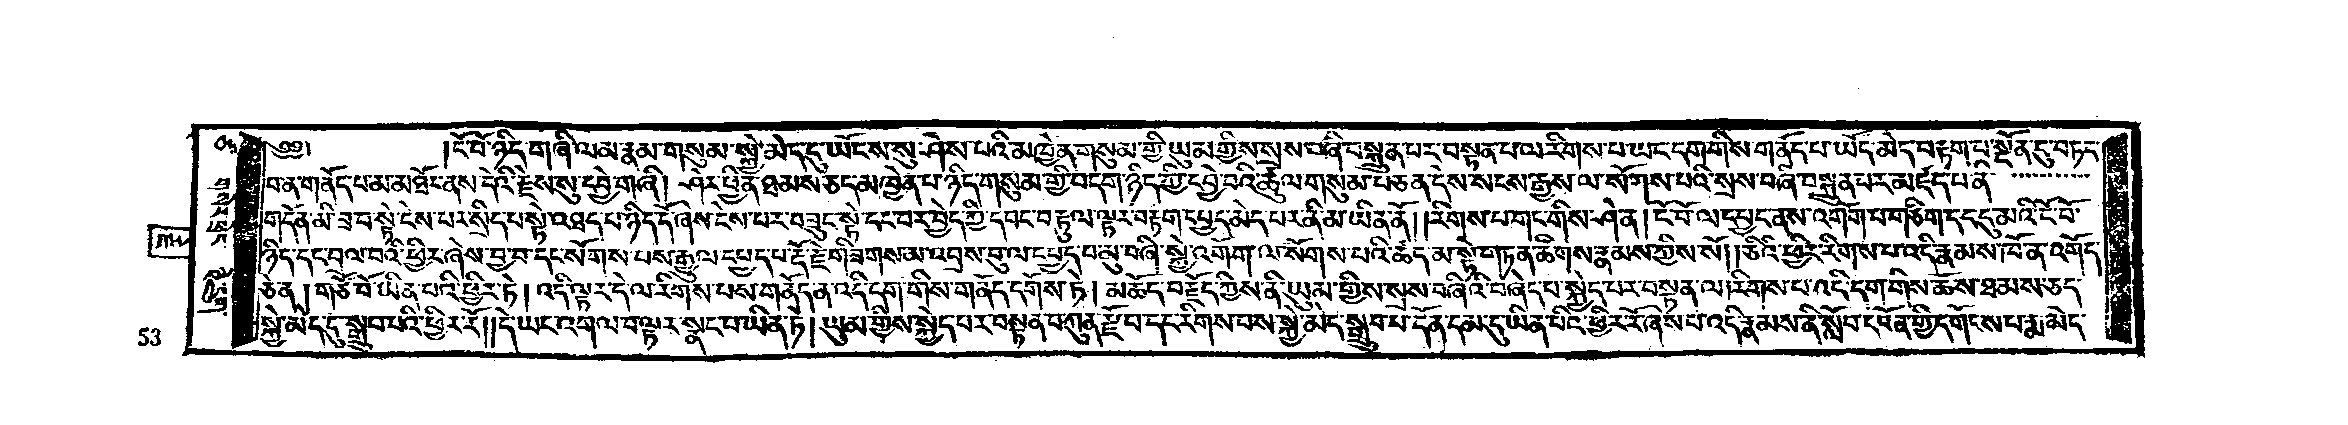༄༅། །ངོ་བོ་ཉིད་གཞི་ལམ་རྣམ་གསུམ་སྐྱེ་མེད་དུ་ཡོངས་སུ་ཤེས་པའི་མཁྱེན་གསུམ་གྱི་ཡུམ་གྱིས་སྲས་བཞི་བསྐྲུན་པར་བསྟན་པ་ལ་རིགས་པ་ཡང་དག་གིས་གནོད་པ་ཡོད་མེད་བརྟག་པ་སྔོན་དུ་བཏང་
བ་ན་གནོད་པ་མ་མཐོང་ནས་དེའི་རྗེས་སུ་དབྱེ་གཞི། ཤེར་ཕྱིན་ཐམས་ཅད་མཁྱེན་པ་ཉིད་གསུམ་གྱི་བདག་ཉིད་ཀྱི་དབྱེ་བའི་ཚུལ་གསུམ་པ་ཅན་དེས་སངས་རྒྱས་ལ་སོགས་པའི་སྲས་བཞི་བསྐྲུན་པར་མཛད་པ་ནི་
གདོན་མི་ཟ་བ་སྟེ་ངེས་པར་སྲིད་པ་སྟེ་འཐད་པ་ཉིད་དོ་ཞེས་ངེས་པར་བཟུང་སྟེ་དང་བར་བྱེད་ཀྱི་དབང་བརྟུལ་ལྟར་བརྟག་དཔྱད་མེད་པར་ནི་མ་ཡིན་ནོ། །རིགས་པ་གང་གིས་ཤེ་ན། ངོ་བོ་ལ་དཔྱད་ནས་འགོག་པ་གཅིག་དང་དུ་མའི་ངོ་བོ་
ཉིད་དང་བྲལ་བའི་ཕྱིར་ཞེས་བྱ་བ་དང་སོགས་པས་རྒྱུལ་དཔྱད་པ་རྡོ་རྗེ་གཟེགས་མ་འབྲས་བུ་ལ་དཔྱད་པ་མུ་བཞི་སྐྱེ་འགོག་ལ་སོགས་པའི་ཚད་མ་སྟེ་གཏན་ཚིགས་རྣམས་ཀྱིས་སོ། །ཅིའི་ཕྱིར་རིགས་པ་འདི་རྣམས་ཁོ་ན་འགོད་
ཅེ་ན། གཙོ་བོ་ཡིན་པའི་ཕྱིར་ཏེ། འདི་ལྟར་དེ་ལ་རིགས་པས་གནོད་ན་འདི་དག་གིས་གནོད་དགོས་ཏེ། མཆོད་བརྗོད་ཀྱིས་ནི་ཡུམ་གྱིས་སྲས་བཞིའི་བཞེད་པ་སྐྱེད་པར་བསྟན་ལ། རིགས་པ་འདི་དག་གིས་ཆོས་ཐམས་ཅད་
སྐྱེ་མེད་དུ་སྒྲུབ་པའི་ཕྱིར་རོ། །དེ་ཡང་འགལ་བ་ལྟར་སྣང་བ་ཡིན་ཏེ། ཡུམ་གྱིས་སྐྱེད་པར་བསྟན་པ་ཀུན་རྫོབ་དང་རིགས་པས་སྐྱེ་མེད་སྒྲུབ་པ་དོན་དམ་དུ་ཡིན་པའི་ཕྱིར་རོ་ཞེས་པ་འདི་རྣམས་ནི་སློབ་དཔོན་གྱི་དགོངས་པ་རྨ་མེད་